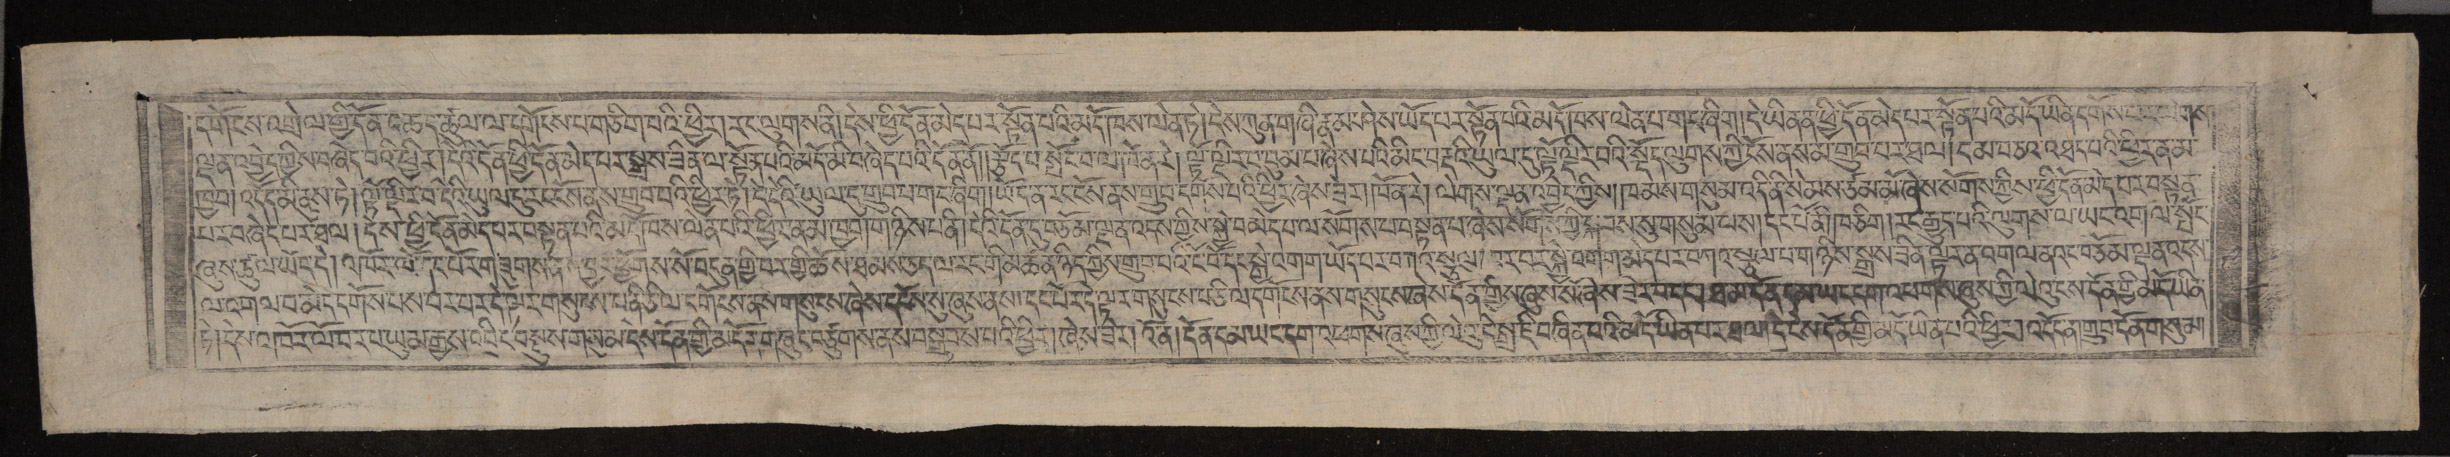དགོངས་འགྲེལ་གྱི་དོན་འཆད་ཆུལ་ལ་དགོངས་པ་གཅིག་པའི་ཕྱིར། རང་ལུགས་ནི། དེས་ཕྱི་དོན་མེད་པར་སྟོན་པའི་མདོ་ཁས་ལེན་ཏེ། དེས་ཀུན་གཞི་རྣམ་ཤེས་ཡོད་པར་སྟོན་པའི་མདོ་ཁས་ལེན་པ་གང་ཞིག །དེ་ཡིན་ན་ཕྱི་དོན་མེད་པར་སྟོན་པའི་མདོ་ཡིན་དགོས་པར་ལེགས་
ལྡན་འབྱེད་ཀྱིས་བཞེད་པའི་ཕྱིར། དེའི་དོན་ཕྱི་དོན་མེད་པར་སྒྲས་ཟིན་ལ་སྟོན་པའི་མདོ་མི་བཞེད་པའི་དོན་ནོ། །རྩོད་པ་སྤོང་བ་ལ་ཁོ་ན་རེ། ལྟོ་ལྡིར་བ་བུམ་པ་ཞེས་པའི་མིང་བརྡའི་ཡུལ་དུ་ལྟོ་ལྡིར་བའི་སྡོད་ལུགས་ཀྱི་ངོས་ནས་མ་གྲུབ་པར་ཐལ། དམ་བཅའ་འཐད་པའི་ཕྱིར་ན་མ་
ཁྱབ། འདོད་མི་ནུས་ཏེ། ལྟོ་ལྡིར་བ་དེའི་ཡུལ་དུ་རང་ངོས་ནས་གྲུབ་པའི་ཕྱིར་ཏེ། དེ་དེའི་ཡུལ་དུ་གྲུབ་པ་གང་ཞིག། ཡོད་ན་རང་ངོས་ནས་གྲུབ་དགོས་པའི་ཕྱིར་ཞེས་ཟེར། ཁོ་ན་རེ། ལེགས་ལྡན་འབྱེད་ཀྱིས། ཁམས་གསུམ་འདི་ནི་སེམས་ཙམ་མོ་ཞེས་སོགས་ཀྱིས་ཕྱི་དོན་མེད་པར་བསྟན་
པར་བཞེད་པར་ཐལ། དེས་ཕྱི་དོན་མེད་པར་བསྟན་པའི་མདོ་ཁས་ལེན་པའི་ཕྱིར་ན་མ་ཁྱབ། གཉིས་པ་ནི། དེའི་དོན་དུ་བཅོམ་ལྡན་འདས་ཀྱིས་སྐྱེ་བ་མེད་པ་ལ་སོགས་པ་བསྟན་པ་ཞེས་སོགས་ཀྱི་སྐབས་སུ་གསུམ་ལས། དང་པོ་ནི། ཁ་ཅིག །རང་རྒྱུད་པའི་ལུགས་ལ་ཡང་འགལ་སྤོང་
ཞུས་ཚུལ་ཡོད་དེ། འཁོར་ལོ་དང་པོར་གཟུགས་ནས་བྱང་ཕྱོགས་སོ་བདུན་གྱི་བར་གྱི་ཆོས་ཐམས་ཅད་ལ་རང་གི་མཚན་ཉིད་ཀྱིས་གྲུབ་པའི་ངོ་བོ་དང་སྐྱེ་འགག་ཡོད་པར་བཀའ་སྩལ། བར་པར་སྐྱེ་འགག་མེད་པར་བཀའ་སྩལ་པ་གཉིས་སྒྲས་ཟིན་ལྟར་ན་འགལ་ནའང་བཅོམ་ལྡན་འདས་
ལ་འགལ་བ་མེད་དགོས་པས་བར་པར་དེ་ལྟར་གསུངས་པ་ནི་ཅི་ལ་དགོངས་ནས་གསུངས་ཞེས་དངོས་སུ་ཞུས་ནས། དང་པོར་དེ་ལྟར་གསུངས་པ་ཅི་ལ་དགོངས་ནས་གསུངས་ཞེས་དོན་གྱིས་ཞུས་སོ་ཞེས་ཟེར་བ་དང་། ཐ་མ་དོན་དམ་ཡང་དག་འཕགས་ཞུས་ཀྱི་ལེའུ་ངས་དོན་གྱི་མདོ་ཡིན་
ཏེ། དེས་འཁོར་ལོ་བར་པ་ཡུམ་རྒྱས་འབྲིང་བསྡུས་གསུམ་དེས་དོན་གྱི་མདོར་གཞུང་བཙུགས་ནས་བསྒྲུབས་པའི་ཕྱིར། ཞེས་ཟེར། འོ་ན། དོན་དམ་ཡང་དག་འཕགས་ཞུས་ཀྱི་ལེའུ་དེ་སྒྲ་ཇི་བཞིན་པའི་མདོ་ཡིན་པར་ཐལ། དེ་ངེས་དོན་གྱི་མདོ་ཡིན་པའི་ཕྱིར། འདོད་ན། གྲུབ་དོན་གསུམ་